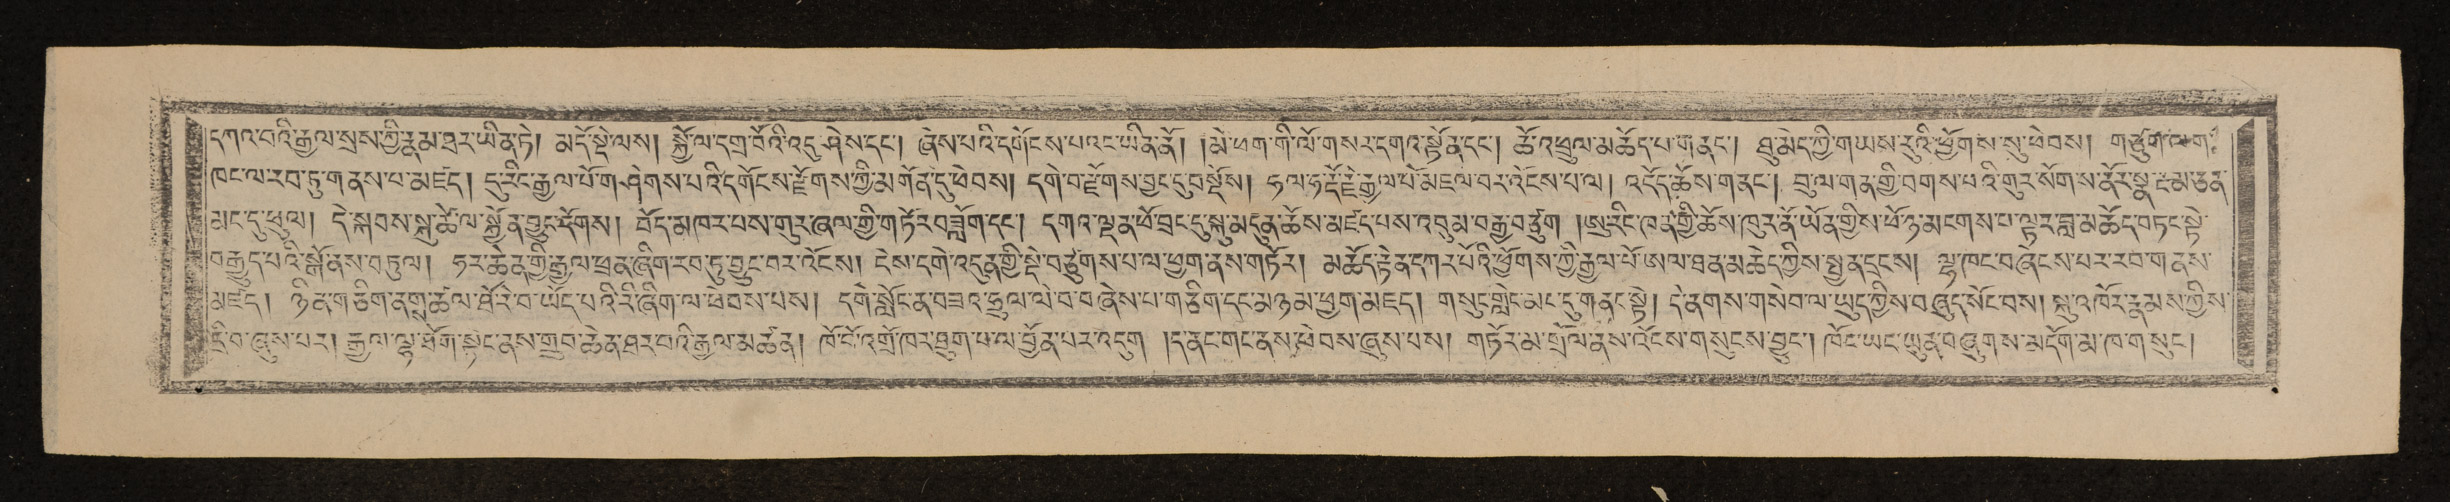དཀའ་བའི་རྒྱལ་སྲས་ཀྱི་རྣམ་ཐར་ཡིན་ཏེ། མདོ་སྡེ་ལས། སྐྱོལ་དགྲ་བོའི་འདུ་ཤེས་དང་། ཞེས་པའི་དགོངས་པའང་ཡིན་ནོ། །མེ་ཕག་གི་ལོ་གསར་དགའ་སྟོན་དང་། ཆོ་འཕྲུལ་མཆོད་པ་གནང་། ཐུ་མེད་ཀྱི་གཡས་རུའི་ཕྱོགས་སུ་ཕེབས། གཙུག་ལག་
ཁང་ལ་རབ་ཏུ་གནས་པ་མཛད། དུ་རིང་རྒྱལ་པོ་གཤེགས་པའི་དགོངས་རྫོགས་ཀྱི་མགོན་དུ་ཕེབས། དགེ་བ་རྫོགས་བྱང་དུ་བསྔོས། ཧལ་ཧ་རྡོ་རྗེ་རྒྱལ་པོ་མཇལ་བར་འོངས་པ་ལ། འདོད་ཆོས་གནང་། བུ་ལ་གན་གྱི་པགས་པའི་གུར་སོགས་ནོར་སྣ་རྔམ་ཅན་
མང་དུ་ཕུལ། དེ་སྐབས་སྐུ་ཚེ་ལ་སྐྱོན་བྱུང་དོགས། བོད་མཁར་པས་གུར་ཞལ་གྱི་གཏོར་བཟློག་དང་། དགའ་ལྡན་ཕོ་བྲང་དུ་སྐུ་མདུན་ཆོས་མཛད་པས་འབུམ་བརྒྱ་བཙུག །ཨུ་རིང་ཁན་གྱི་ཆོས་ཁུར་ནོ་ཡོན་གྱིས་ཕོ་ཉ་མངགས་པ་ལྟར་བླ་མཆོད་བཏང་སྟེ་
བརྒྱུད་པའི་སྒོ་ནས་བཏུལ། ཧར་ཆེན་གྱི་རྒྱལ་ཕྲན་ཞིག་རབ་ཏུ་བྱུང་བར་འོངས། དེས་དགེ་འདུན་གྱི་སྡེ་བཙུགས་པ་ལ་ཕྱག་ནས་གཏོར། མཆོད་རྟེན་དཀར་པོའི་ཕྱོགས་ཀྱི་རྒྱལ་པོ་ཨལ་ཐན་མཆེད་ཀྱིས་སྤྱན་དྲངས། ལྷ་ཁང་བཞེངས་པར་རབ་གནས་
མཛད། ཉིན་གཅིག་ནགས་ཚལ་ཐོ་རེ་བ་ཡོད་པའི་རི་ཞིག་ལ་ཕེབས་པས། དགེ་སློང་ན་བཟའ་ཧྲུལ་ལེ་བ་བཞེས་པ་གཅིག་དང་མཉམ་ཕྱག་མཛད། གསུང་གླེང་མང་དུ་གནང་སྟེ། དེ་ནགས་གསེབ་ལ་ཡུད་ཀྱིས་བཞུད་སོང་བས། སྐུ་འཁོར་རྣམས་ཀྱིས་
དྲི་བ་ཞུས་པར། རྒྱལ་ལྷ་ཐོག་སྟེང་ནས་གྲུབ་ཆེན་ཐར་པའི་རྒྱལ་མཚན། ཁོ་བོ་འགྲོ་ཁར་ཐུག་པ་ལ་བྱོན་པར་འདུག །ད་ནང་གང་ནས་ཕེབས་ཞུས་པས། གཏོར་མ་གྲོལ་ནས་འོངས་གསུངས་བྱུང་། ཁོང་ཡང་ཡུན་བཞུགས་མདོག་མ་ཁ་གསུང་།